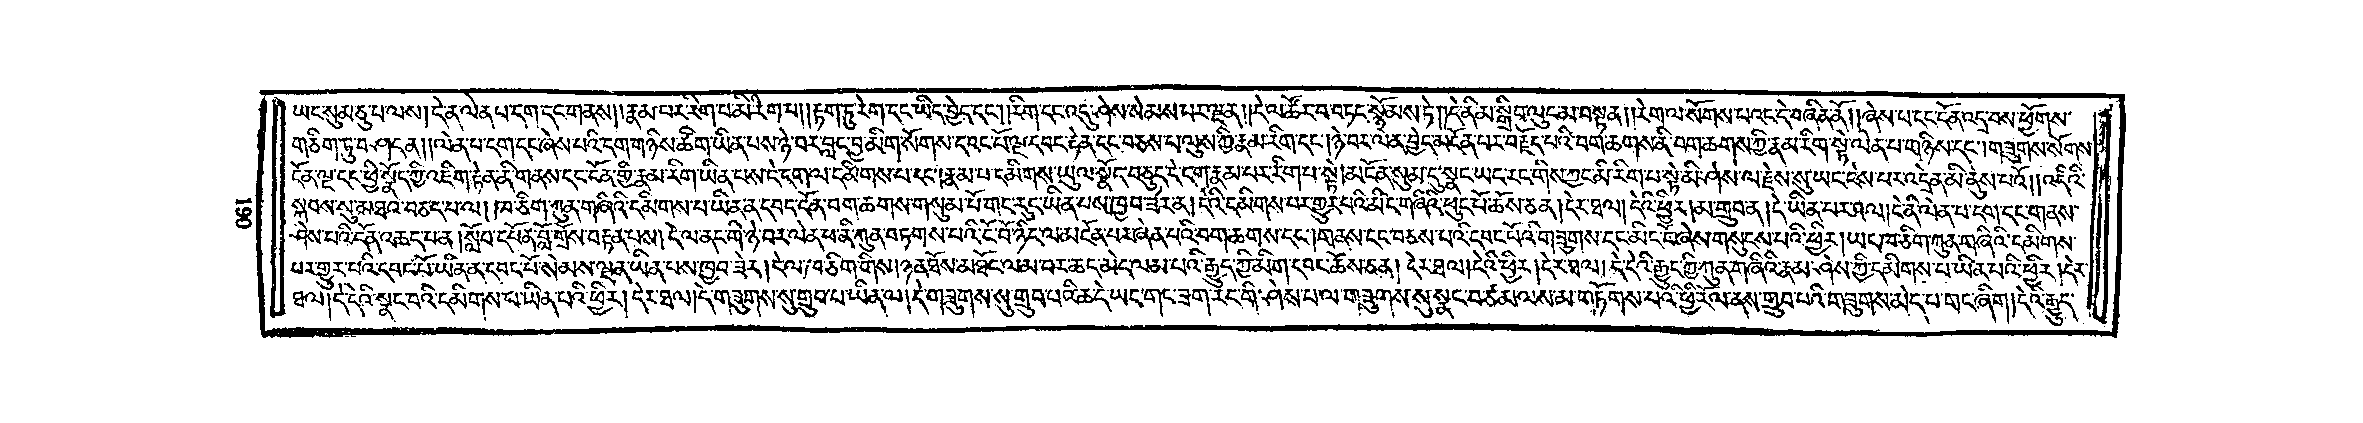ཡང་སུམ་ཅུ་པ་ལས། དེ་ན་ལེན་པ་དག་དང་གནས། །རྣམ་པར་རིག་པ་མི་རིག་པ། །རྟག་ཏུ་རེག་དང་ཡིད་བྱེད་དང་། །རིག་དང་འདུ་ཤེས་སེམས་པར་ལྡན། །དེ་ལ་ཚོར་བ་བཏང་སྙོམས་ཏེ། དེ་ནི་མ་སྒྲིབ་ལུང་མ་བསྟན། །རེག་ལ་སོགས་པའང་དེ་བཞིན་ནོ། །ཞེས་པ་དང་དོན་འདྲ་བས་ཕྱོགས་
གཅིག་ཏུ་བཤད་ན། ལེན་པ་དག་དང་ཞེས་པའི་དག་གཉིས་ཚིག་ཡིན་པས་ཉེ་བར་བླང་བྱ་མིག་སོགས་དབང་པོ་ལྔ་དབང་རྟེན་དང་བཅས་པ་ལུས་ཀྱི་རྣམ་རིག་དང་། ཉེ་བར་ལེན་བྱེད་མངོན་པར་བརྗོད་པའི་བག་ཆགས་ནི་བག་ཆགས་ཀྱི་རྣམ་རིག་སྟེ་ལེན་པ་གཉིས་དང་། གཟུགས་སོགས་
དོན་ལྔ་དང་ཕྱི་སྣོད་ཀྱི་འཇིག་རྟེན་ནི་གནས་དང་དོན་གྱི་རྣམ་རིག་ཡིན་པས་དེ་དག་ལ་དམིགས་པ་དང་། རྣམ་པ་དམིགས་ཡུལ་སྣོད་བཅུད་དེ་དག་རྣམ་པར་རིག་པ་སྟེ། མངོན་སུམ་དུ་སྣང་ཡང་རང་གིས་ཀྱང་མི་རིག་པ་སྟེ་མི་ཤེས་ལ་རྗེས་སུ་ཡང་ངེས་པར་འདྲེན་མི་ནུས་པའོ། །འདིའི་
སྐབས་སུ་མཐའ་བཅད་པ་ལ། ཁ་ཅིག་ཀུན་གཞིའི་དམིགས་པ་ཡིན་ན་དབང་དོན་བག་ཆགས་གསུམ་པོ་གང་རུང་ཡིན་པས་ཁྱབ་ཟེར་ན། དེའི་དམིགས་པར་གྱུར་པའི་མིང་གཞིའི་ཕུང་པོ་ཆོས་ཅན། དེར་ཐལ། དེའི་ཕྱིར། མ་གྲུབ་ན། དེ་ཡིན་པར་ཐལ། དེ་ནི་ལེན་པ་དག་དང་གནས་
ཤེས་པའི་དོན་འཆད་པ་ལ། སློབ་དཔོན་བློ་གྲོས་བརྟན་པས། དེ་ལ་ནང་གི་ཉེ་བར་ལེན་པ་ནི་ཀུན་བཏགས་པའི་ངོ་བོ་ཉིད་ལ་མངོན་པར་ཞེན་པའི་བག་ཆགས་དང་། གནས་དང་བཅས་པའི་དབང་པོའི་གཟུགས་དང་མིང་ངོ་ཞེས་གསུངས་པའི་ཕྱིར། ཡང་ཁ་ཅིག་ཀུན་གཞིའི་དམིགས་
པར་གྱུར་པའི་དབང་པོ་ཡིན་ན་དབང་པོ་སེམས་ལྡན་ཡིན་པས་ཁྱབ་ཟེར། དེ་ལ་ཁ་ཅིག་གིས། ཉན་ཐོས་མཐོང་ལམ་བར་ཆད་མེད་ལམ་པའི་རྒྱུད་ཀྱི་མིག་དབང་ཆོས་ཅན། དེར་ཐལ། དེའི་ཕྱིར། དེར་ཐལ། དེ་དེའི་རྒྱུད་ཀྱི་ཀུན་གཞིའི་རྣམ་ཤེས་ཀྱི་དམིགས་པ་ཡིན་པའི་ཕྱིར། དེར་
ཐལ། དེ་དེའི་སྣང་བའི་དམིགས་པ་ཡིན་པའི་ཕྱིར། དེར་ཐལ། དེ་གཟུགས་སུ་གྲུབ་པ་ཡིན་ལ། དེ་གཟུགས་སུ་གྲུབ་པའི་ཆ་དེ་ཡང་གང་ཟག་རང་གི་ཤེས་པ་ལ་གཟུགས་སུ་སྣང་བ་ཙམ་ལས་མ་གཏོགས་པའི་ཕྱིར་རོལ་ནས་གྲུབ་པའི་གཟུགས་མེད་པ་གང་ཞིག །དེའི་རྒྱུད་